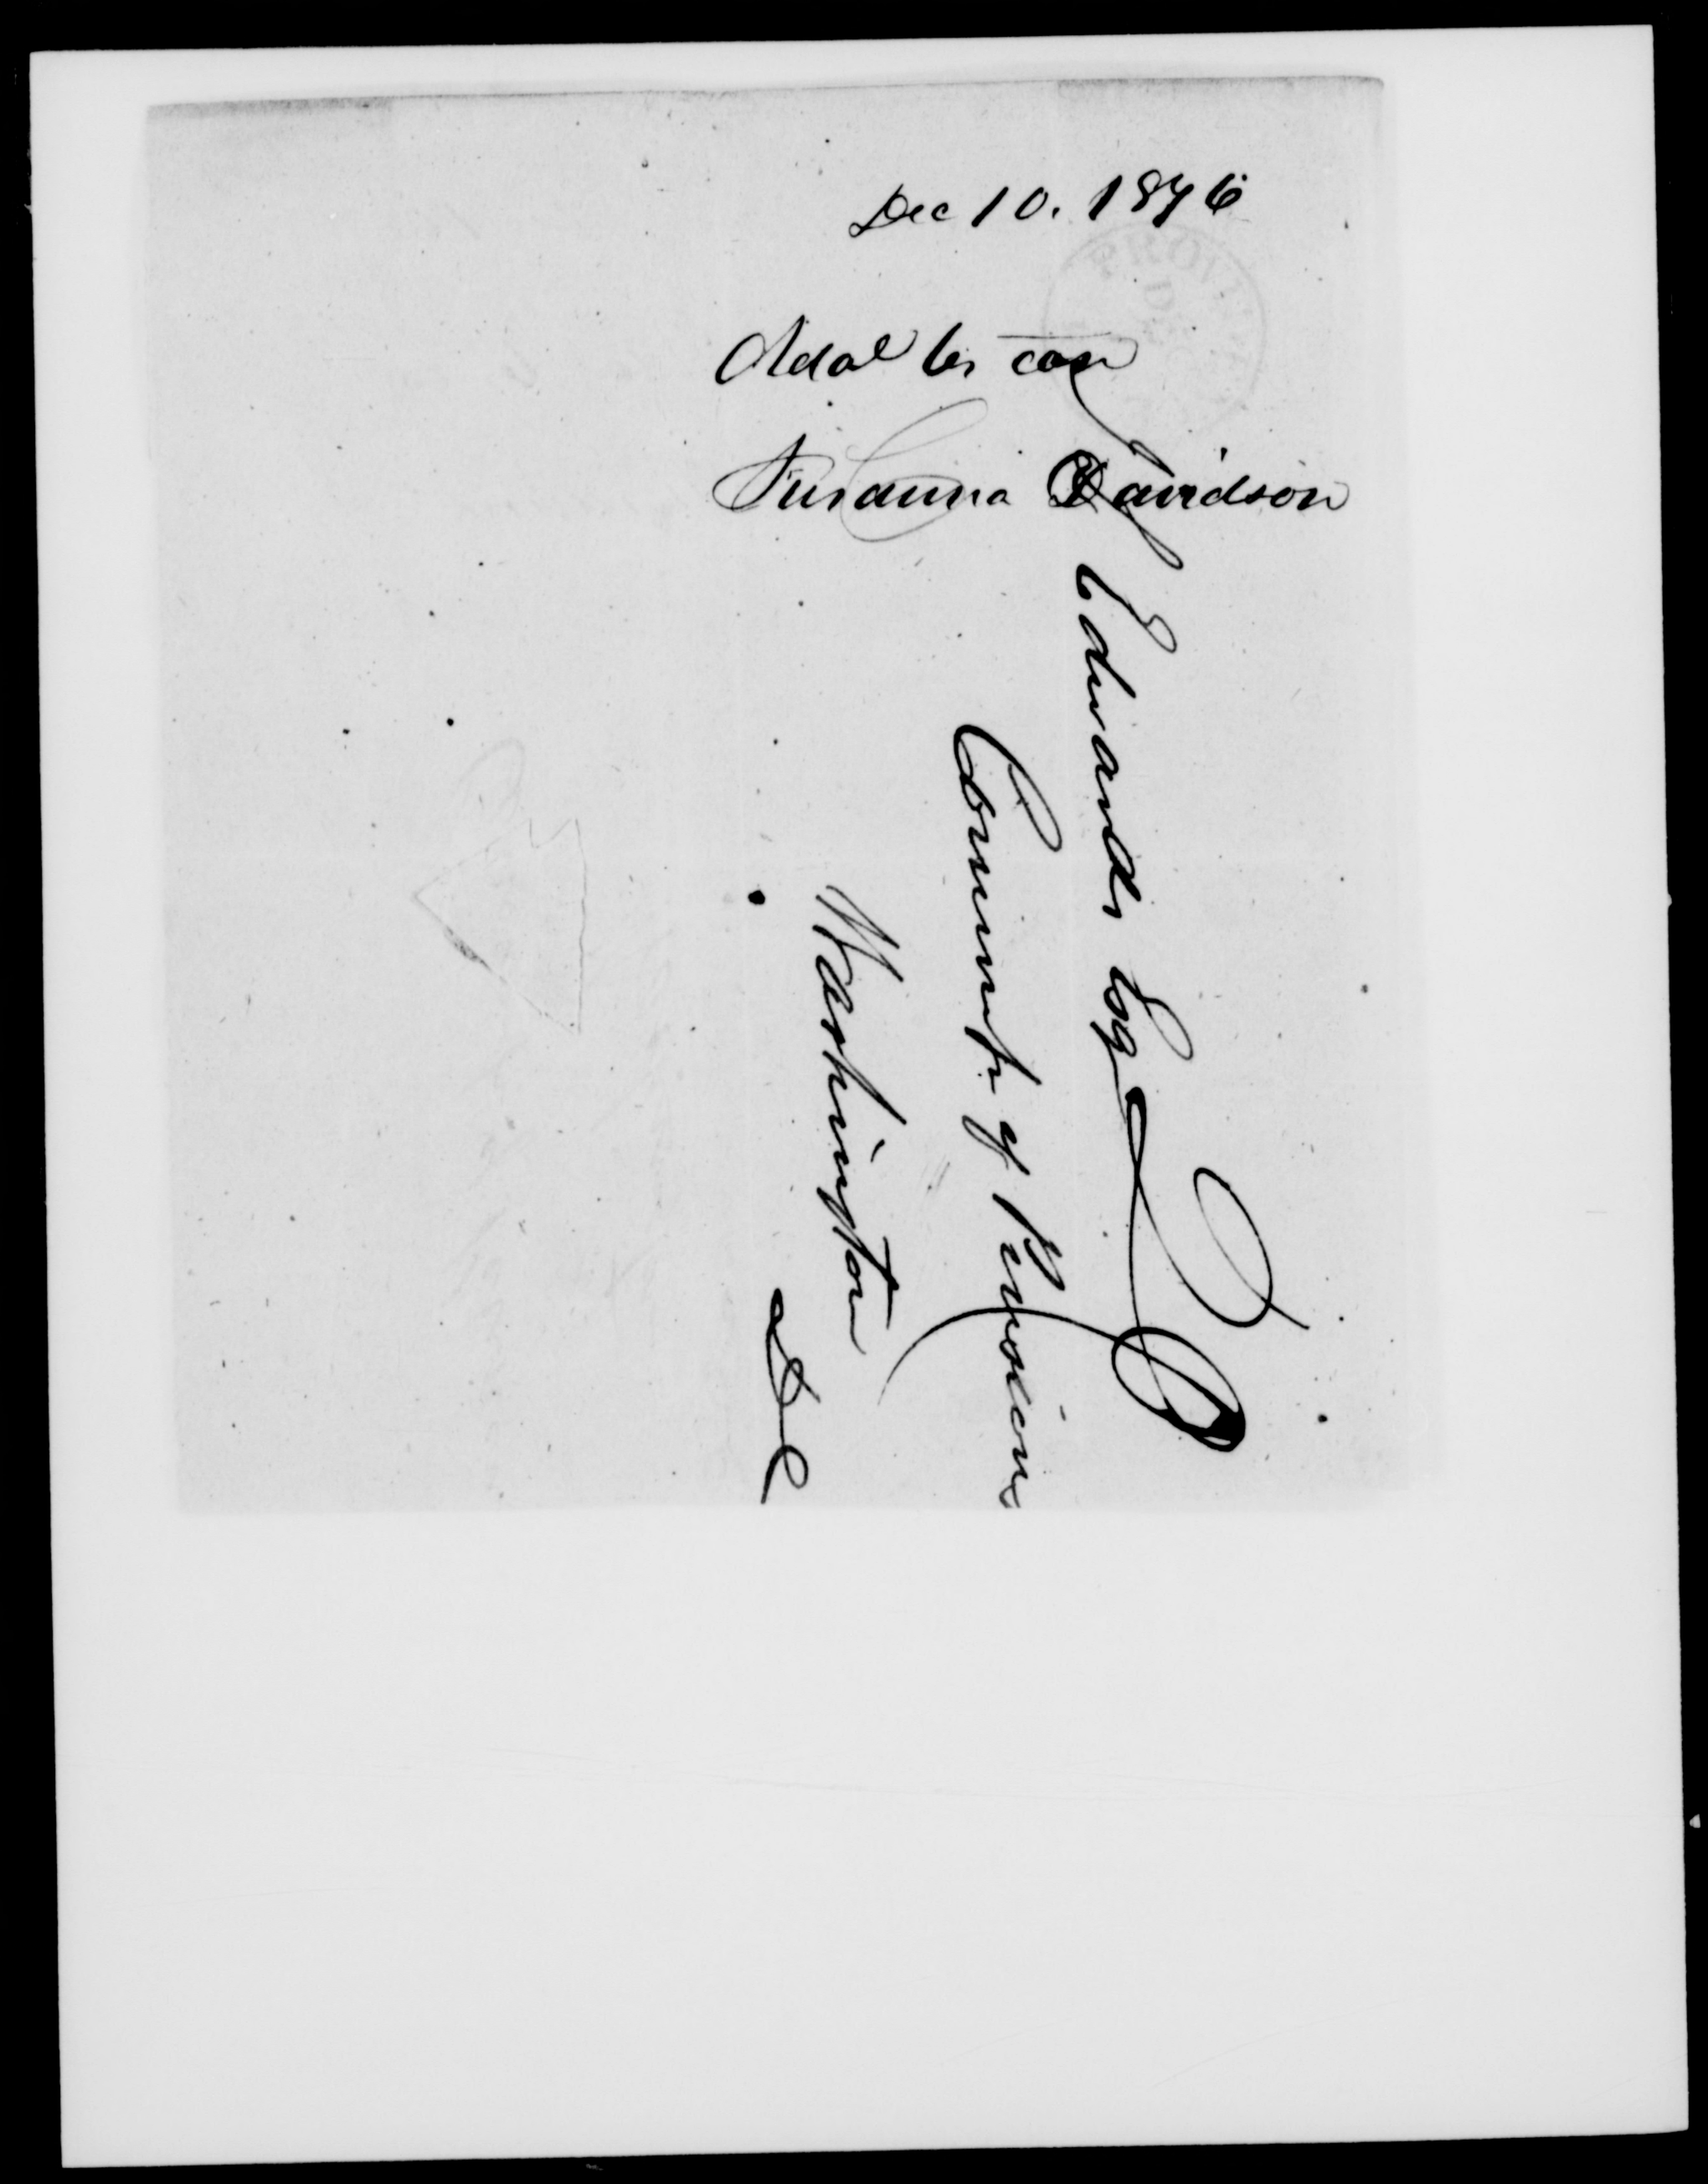Dec 10, 1846

___. __. __

Susanna Davidson [note spelling]

J L Edwards Esq.
County of Providence 
Washington DC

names: J L Edwards, Susanna Davidson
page: 44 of 53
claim: widow's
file: W 17707, Benjamin Weaver, R.I.